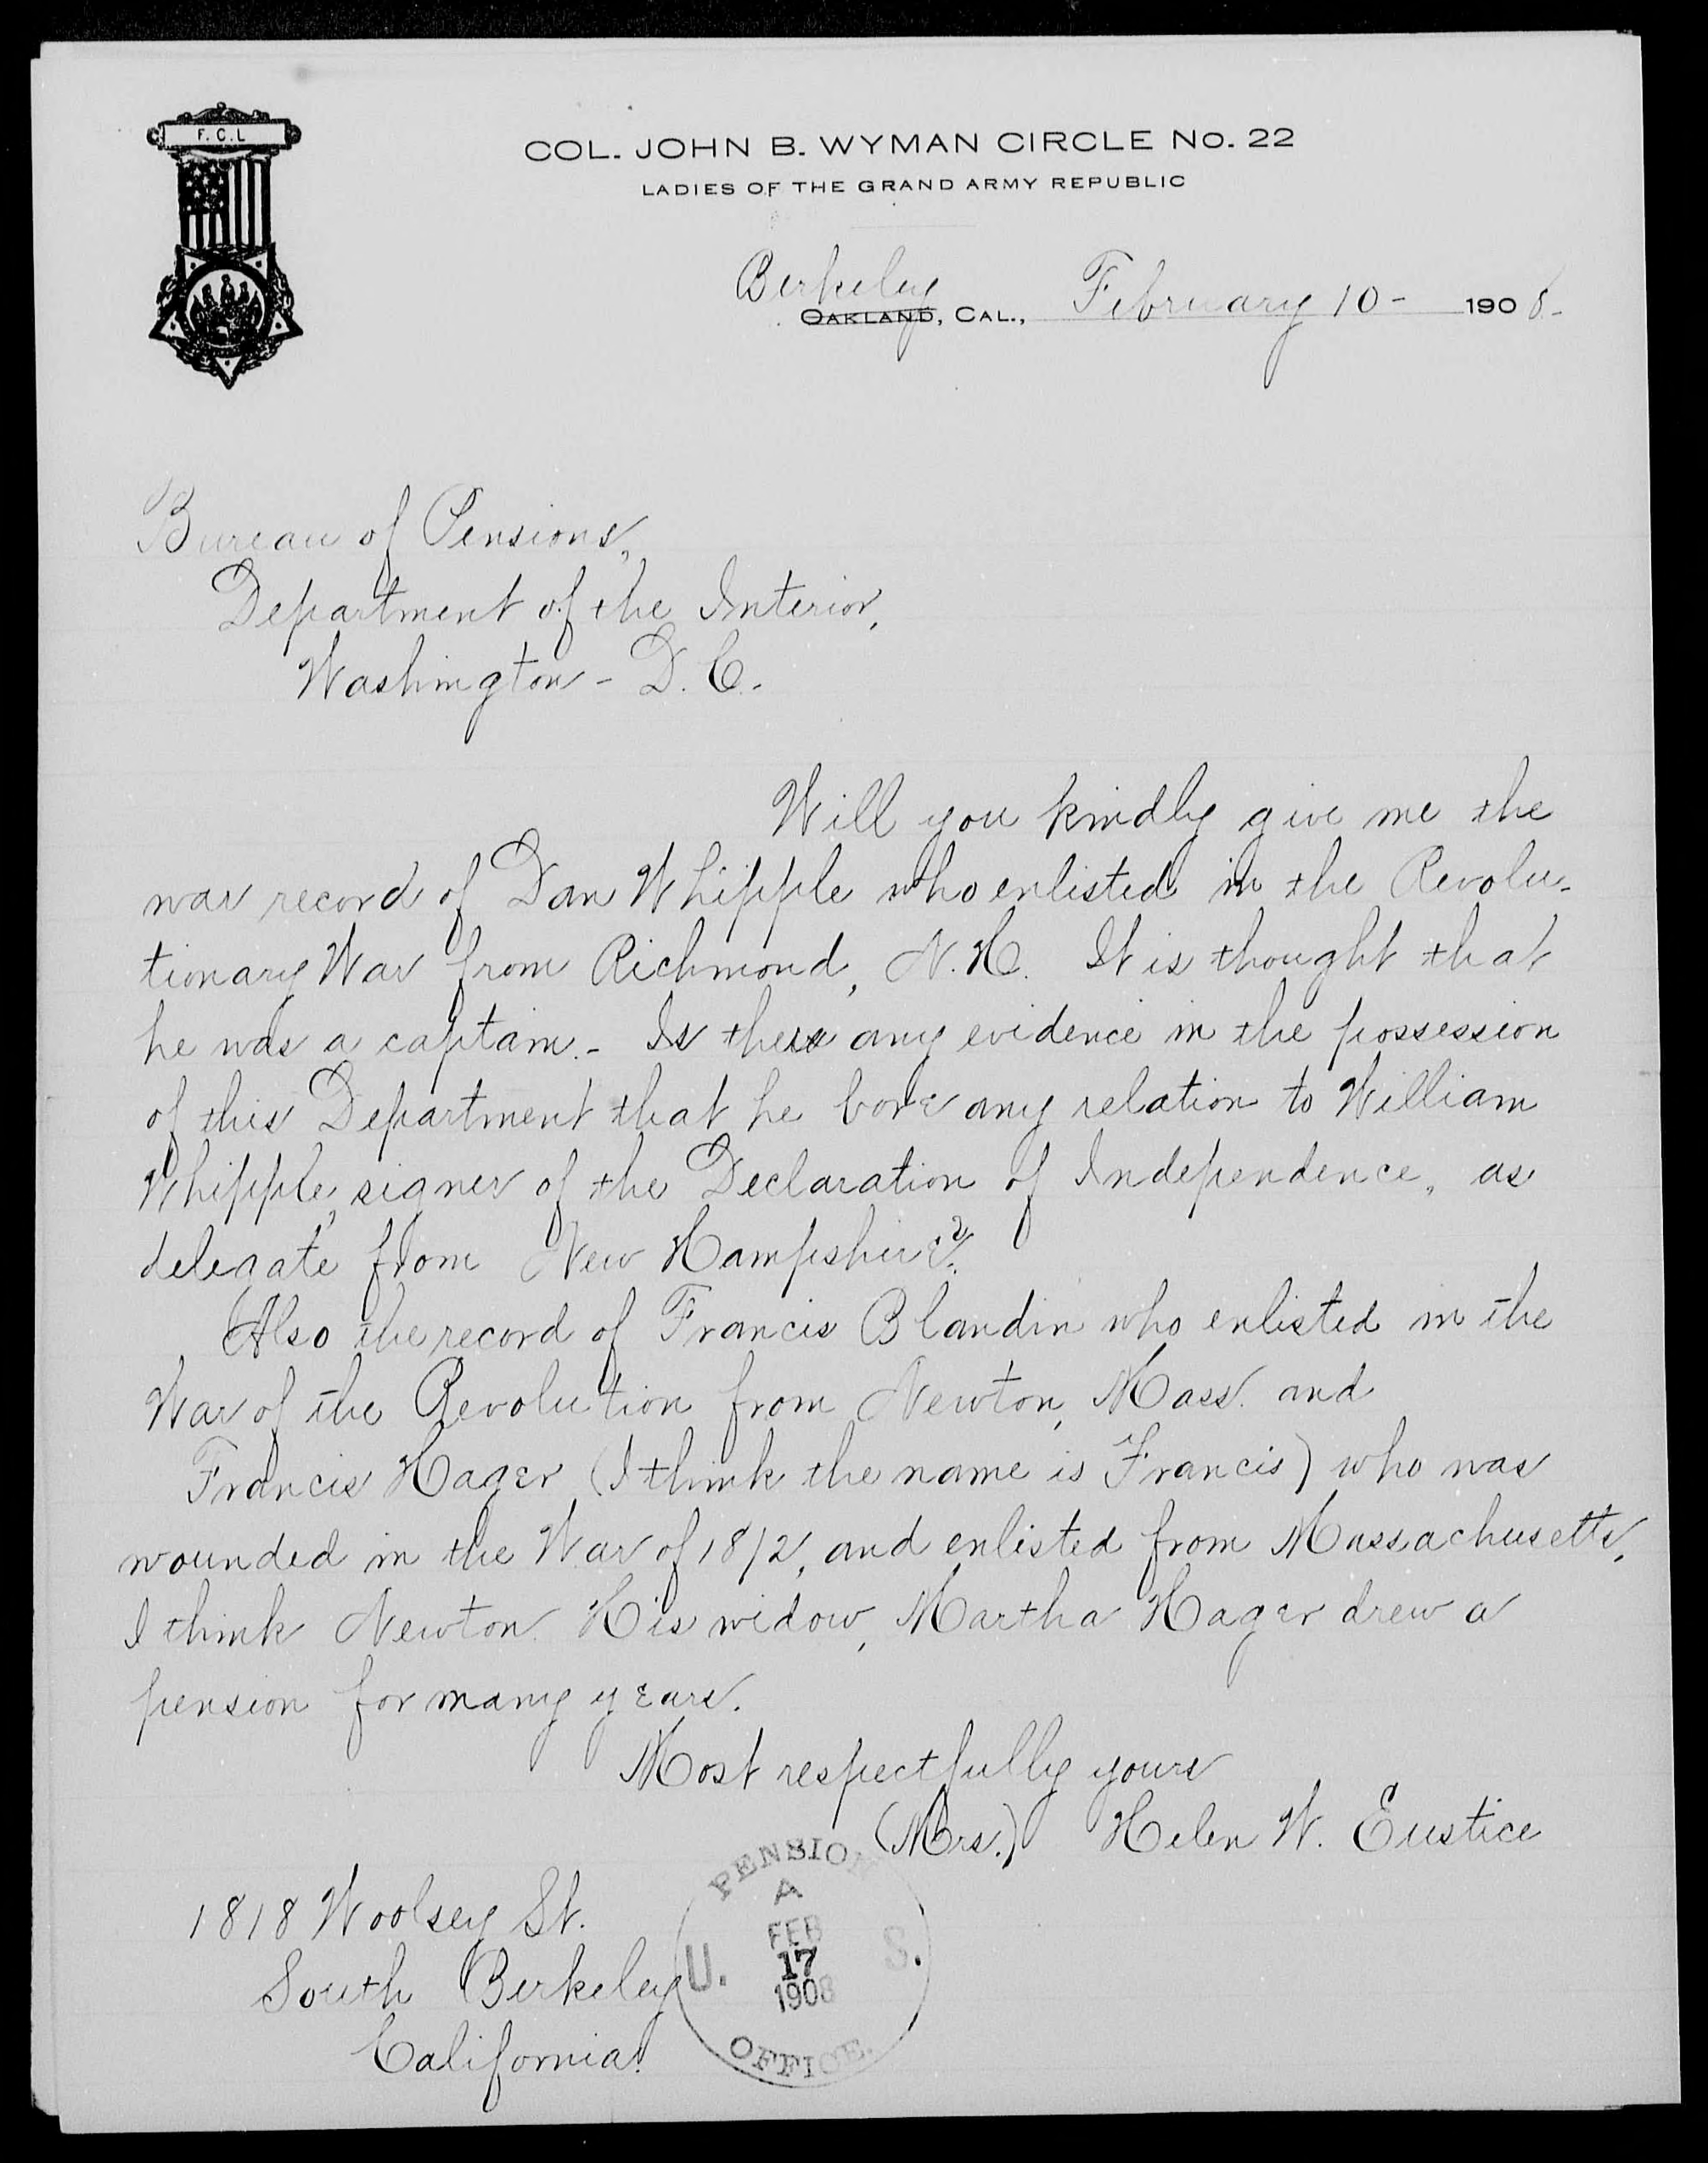COL JOHN BE WYMAN CIRCLE NO 22
LADIES OF THE GRAND ARMY REPUBLIC

Berkeley Cal, February 10, 1908

Bureau of Pensions
Department of the Interior
Washington DC

Will you kindly give me the war record of Dan Whipple who enlisted in the Revolutionary War from Richmond NH. It is thought that he was a captain.  Is there any evidence in the possession of this Department that he bore any relation to William Whipple, signer of the Declaration of Independence, as delegate from New Hampshire?

Also the record of Francis Blandin, who enlisted in the War of the Revolution from Newton Mass and Francis Hager. (I think the name is Francis) who was wounded in the War of 1812 and enlisted from Massachusetts, I think Newton.  His widow, Martha Hager drew a pension for many years.

Most respectuflly yours, 
(Mrs) Helen W Eustice

1818 Woolsey St
South Berkeley
California

(Stamped received in Pension Office Feb 17, 1908)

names: Dan Whipple, Francis Blandin, William Whipple, Helen W Eustice, Francis Hager, Newton, Martha Hager, Francis, John B Wyman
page: 14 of 14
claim: survivor's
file: S. 34,049, Francis Blandin, Mass.